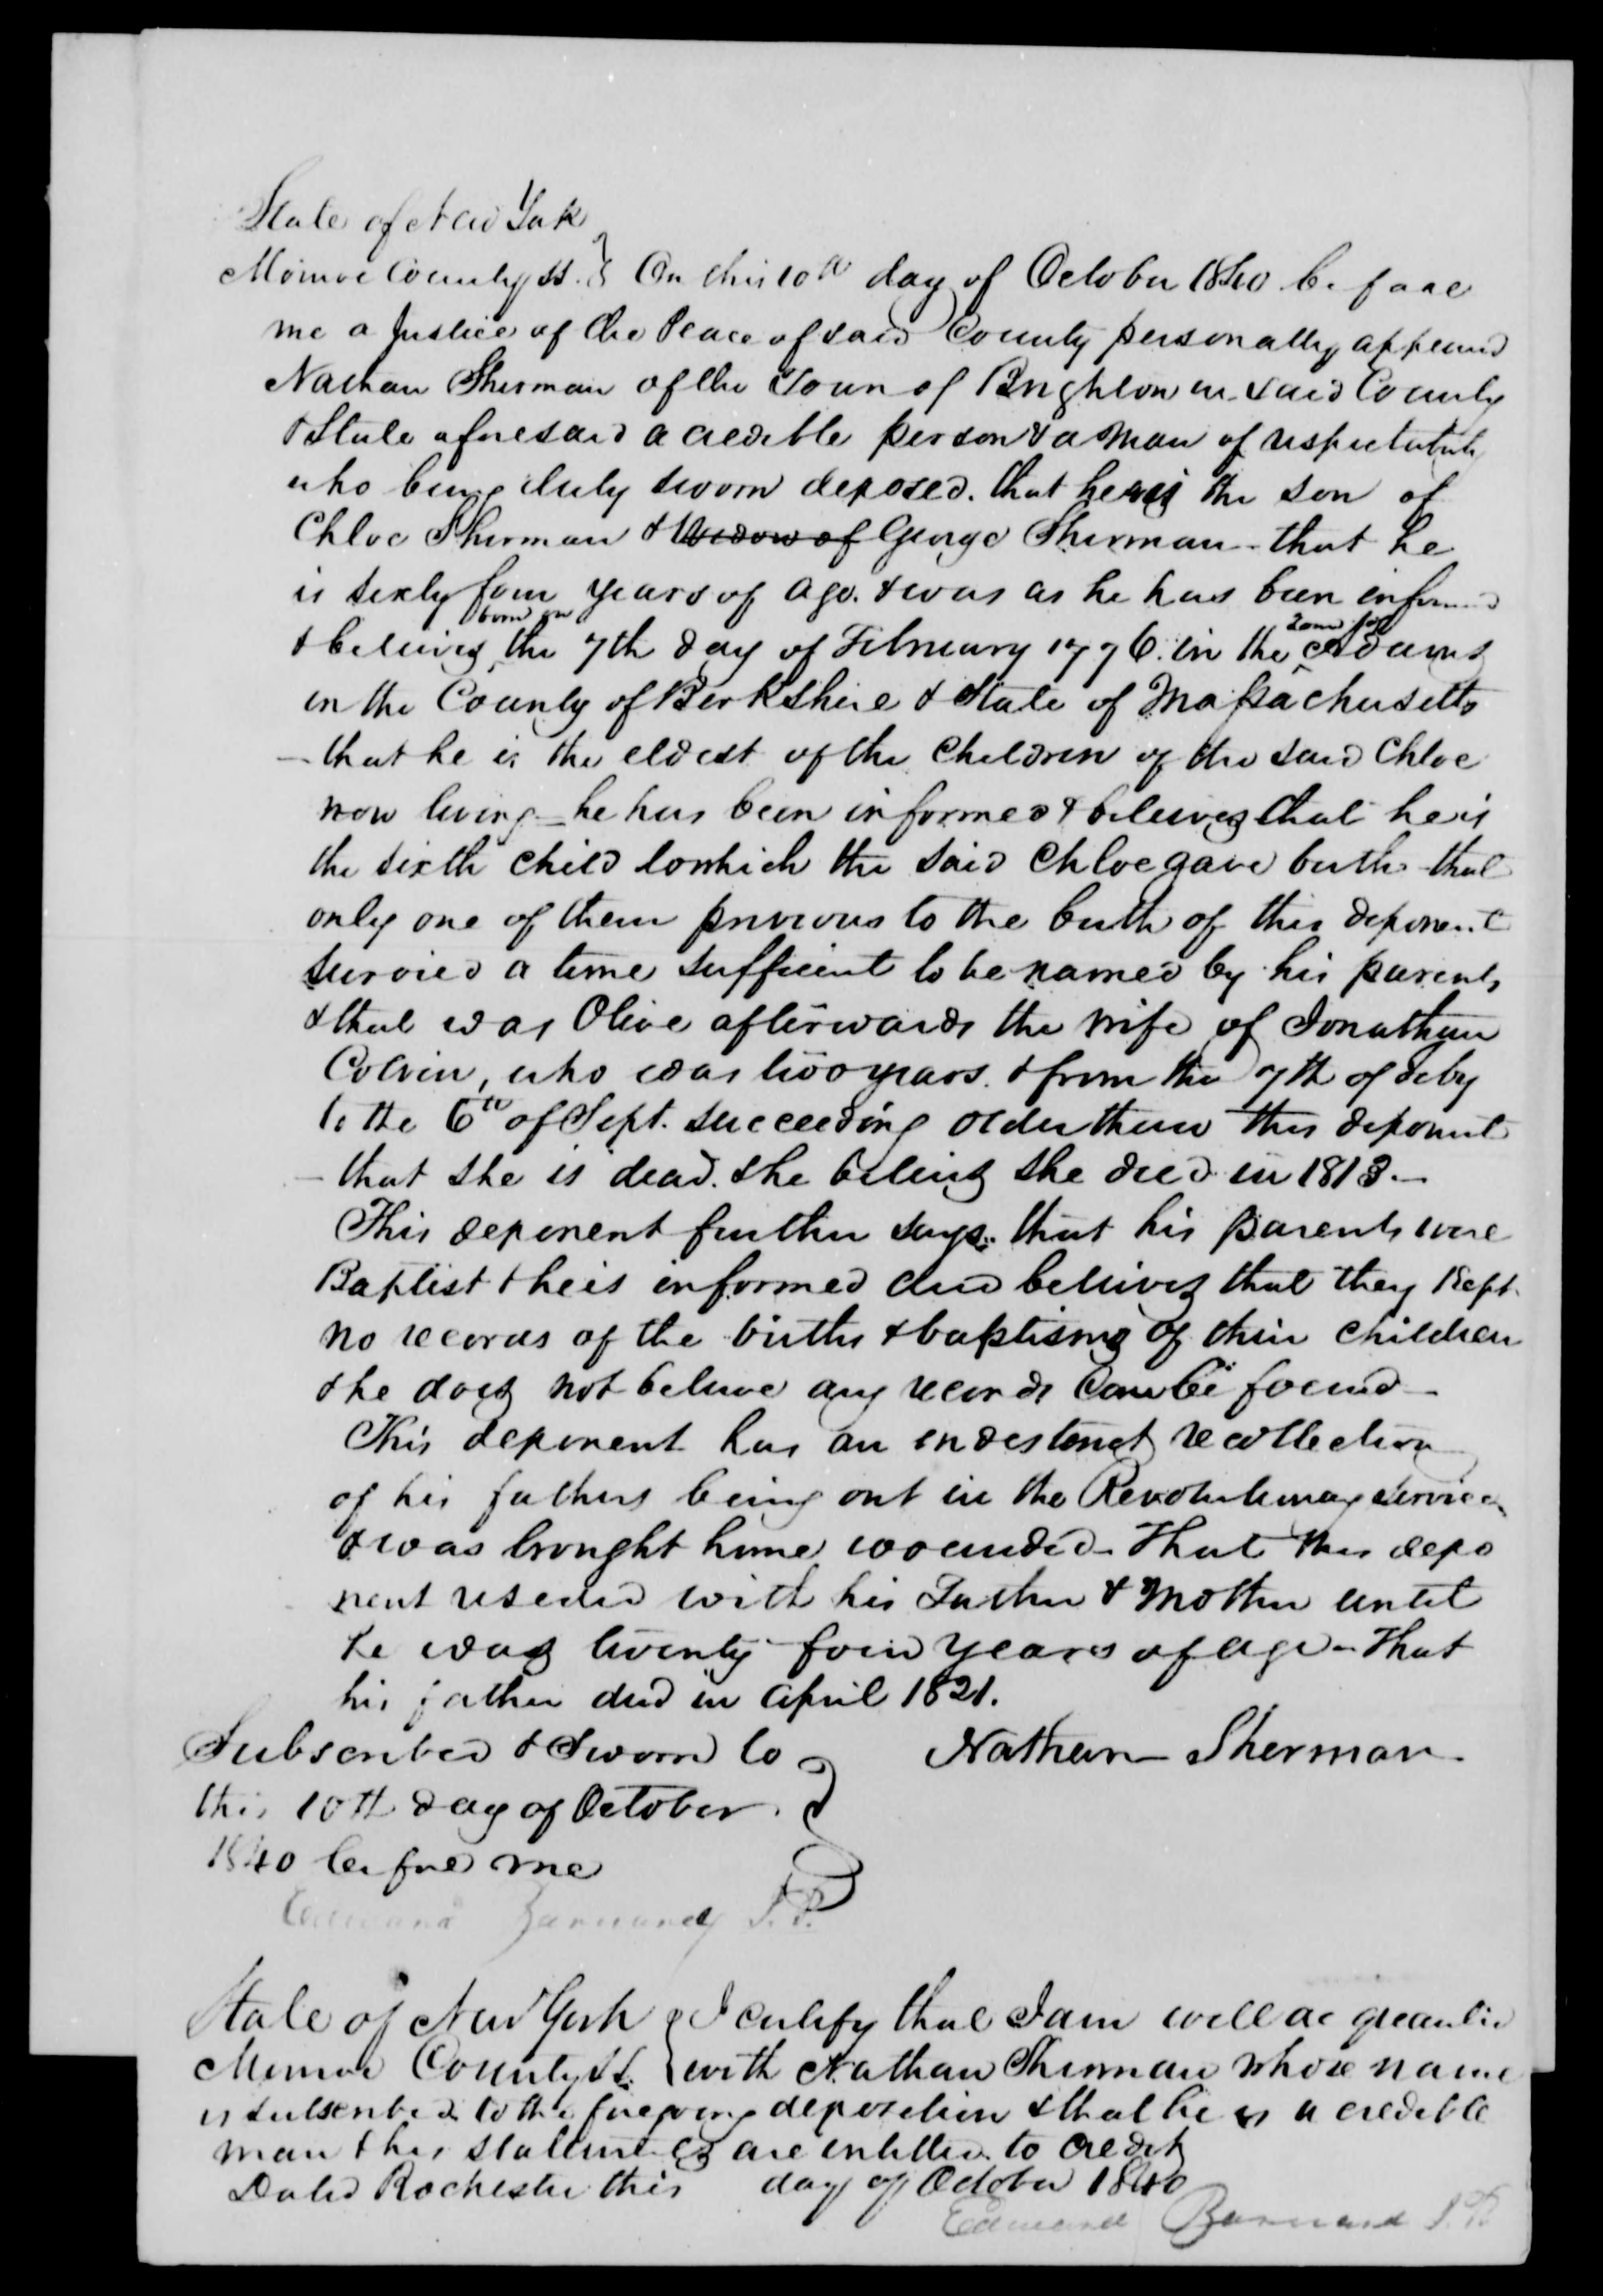State of New York
Monroe County SS On this 10 day of October 1850 C. face
me a Justice of the Peace of said County personally appeared
Nathan Sherman of the Town of Brighton in said County
State aforesaid a credible person & a man of respectable
who being duly sworn deposed that he is the son of
Chloe Sherman & Widow of George Sherman that he
is sixty-four years of age & was as he has been infirmed
& believes the 7th day of February 1776 in the Adams
in the County of Berkshire & State of Massachusetts
that he is the eldest of the children of the said Chloe
now living he has been informed & believes that he is
the sixth child to which the said Chloe gave but that
only one of them previous to the both of this deponent
service a time sufficient to be named by his parents
& that was Olive afterwards the wife of Jonathan
Colvin, who was two years & from the 7th of Feby
to the 6th of Sept. succeeding older than this deponent
that she is dead. she believes she died in 1813.
This deponent further says that his parents were
Baptist their informed and believes that they kept
no records of the births & baptism of their children
he does not believe any records can be found
This deponent has an indistinct recollection
of his father's being out in the Revolutionary service
was brought home wounded. That this depo
nent resided with his father & Mother until
he was twenty-four years of age. That
his father died in April 1821
Subscribed & sworn to
Nathan Sherman
this 10th day of October
1840 before me
Barnard J.P.
State of New York & I certify that I am well acquainted
Monroe County SS. with Nathan Sherman whose name
is subscribed to the foregoing deposition & that he is credible
man this statements are entitled to credit
Dated Rochester this day of October 1840
Edward Barnard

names: George Sherman; Jonathan Colvin; Nathan Sherman; Edmond Barnard; Nathan Sherman; Nathan Sherman; Olive [BLANK]; Chloe Sherman; Chloe [BLANK]; Edmond Barnard; Chloe [BLANK]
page: 17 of 52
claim: rejected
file: R. 9493, for George Sherman, Vermont